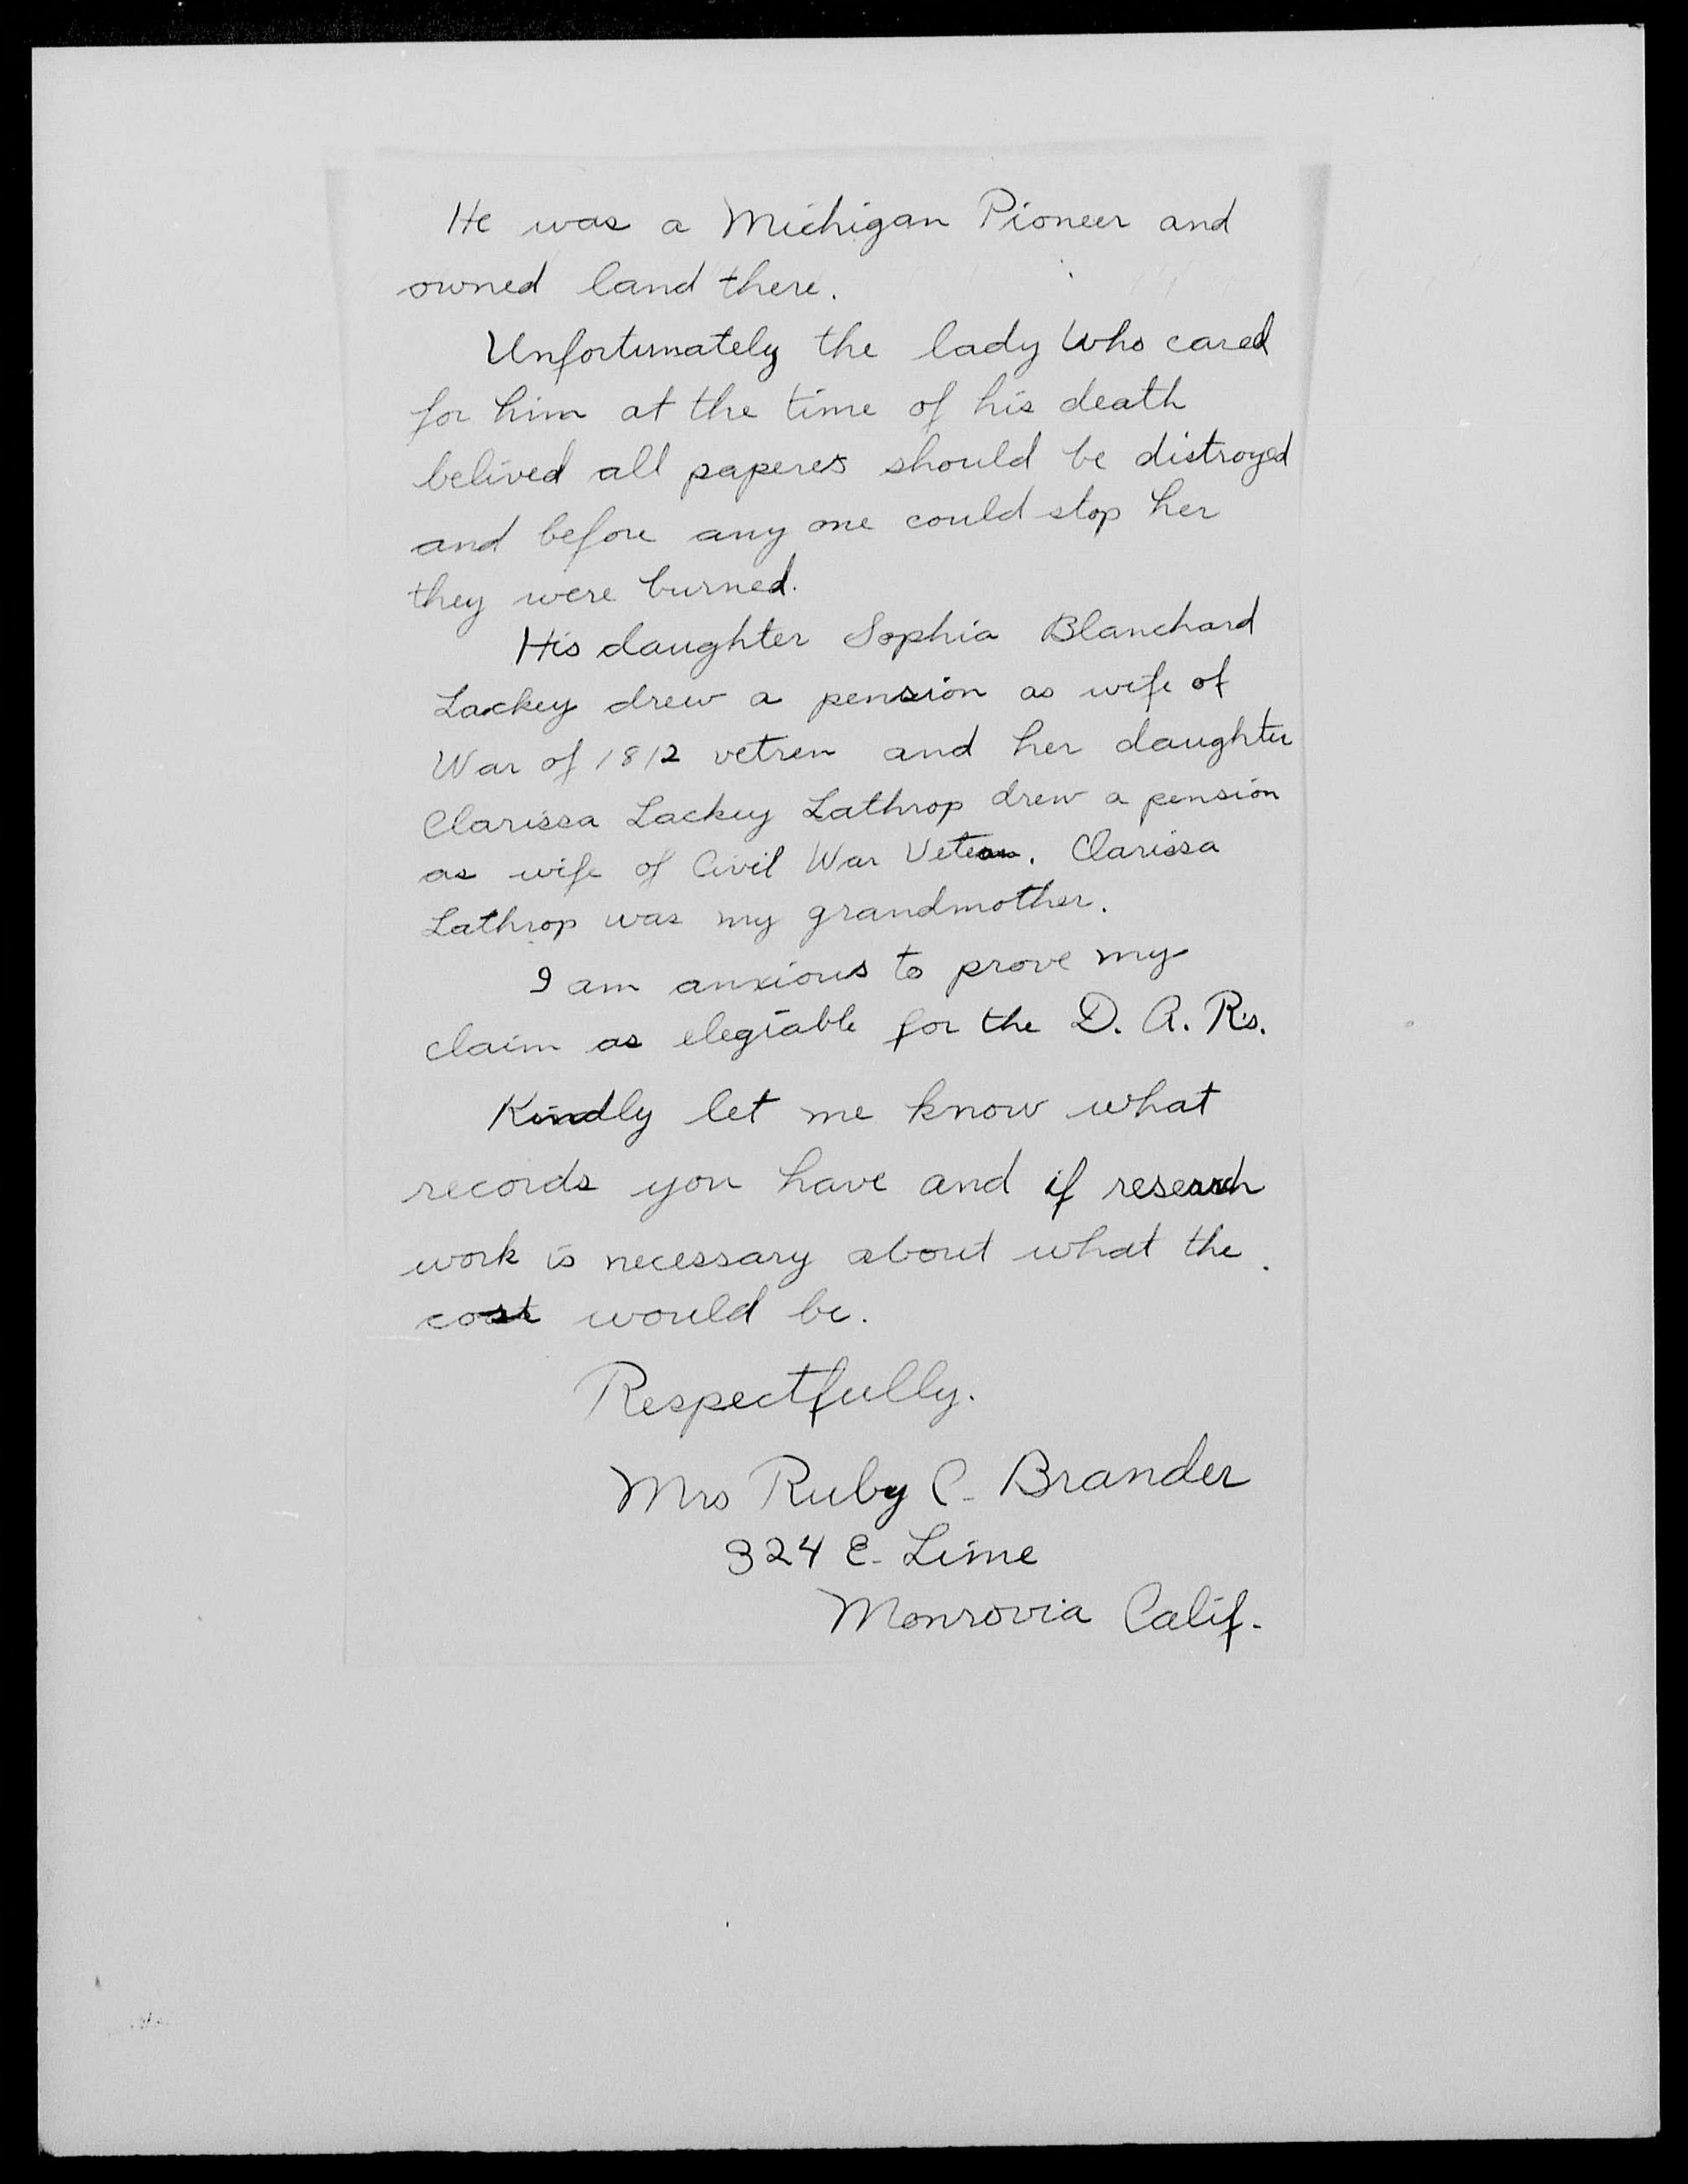He was a Michigan Pioneer and owned land there.
Unfortunately the lady who cared for him at the time of his death belived all papers should be distroyed and before any one could stop her
they were burned.
His daughter Sophia Blanchard Lackey drew a pension as wife of War of 1812 vetren and her daughter Clarissa Lackey Lathrop drew a pension
as wife of Civil War Vetren. Clarissa Lathrop was my grandmother.
I am anxious to prove my claim as elegiable for the D.A.R.'s.
Kindly let me know what records you have and if research work is necessary about what the cost would be.
Respectfully
Mrs Ruby C. Brander
324 E. Lime
Monrovia Calif.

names: Clarissa Lackey, Ruby C Brander, Clarissa Lathrop, Sophia Blanchard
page: 15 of 23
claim: survivor's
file: S. 12237, David Blanchard, N. H.